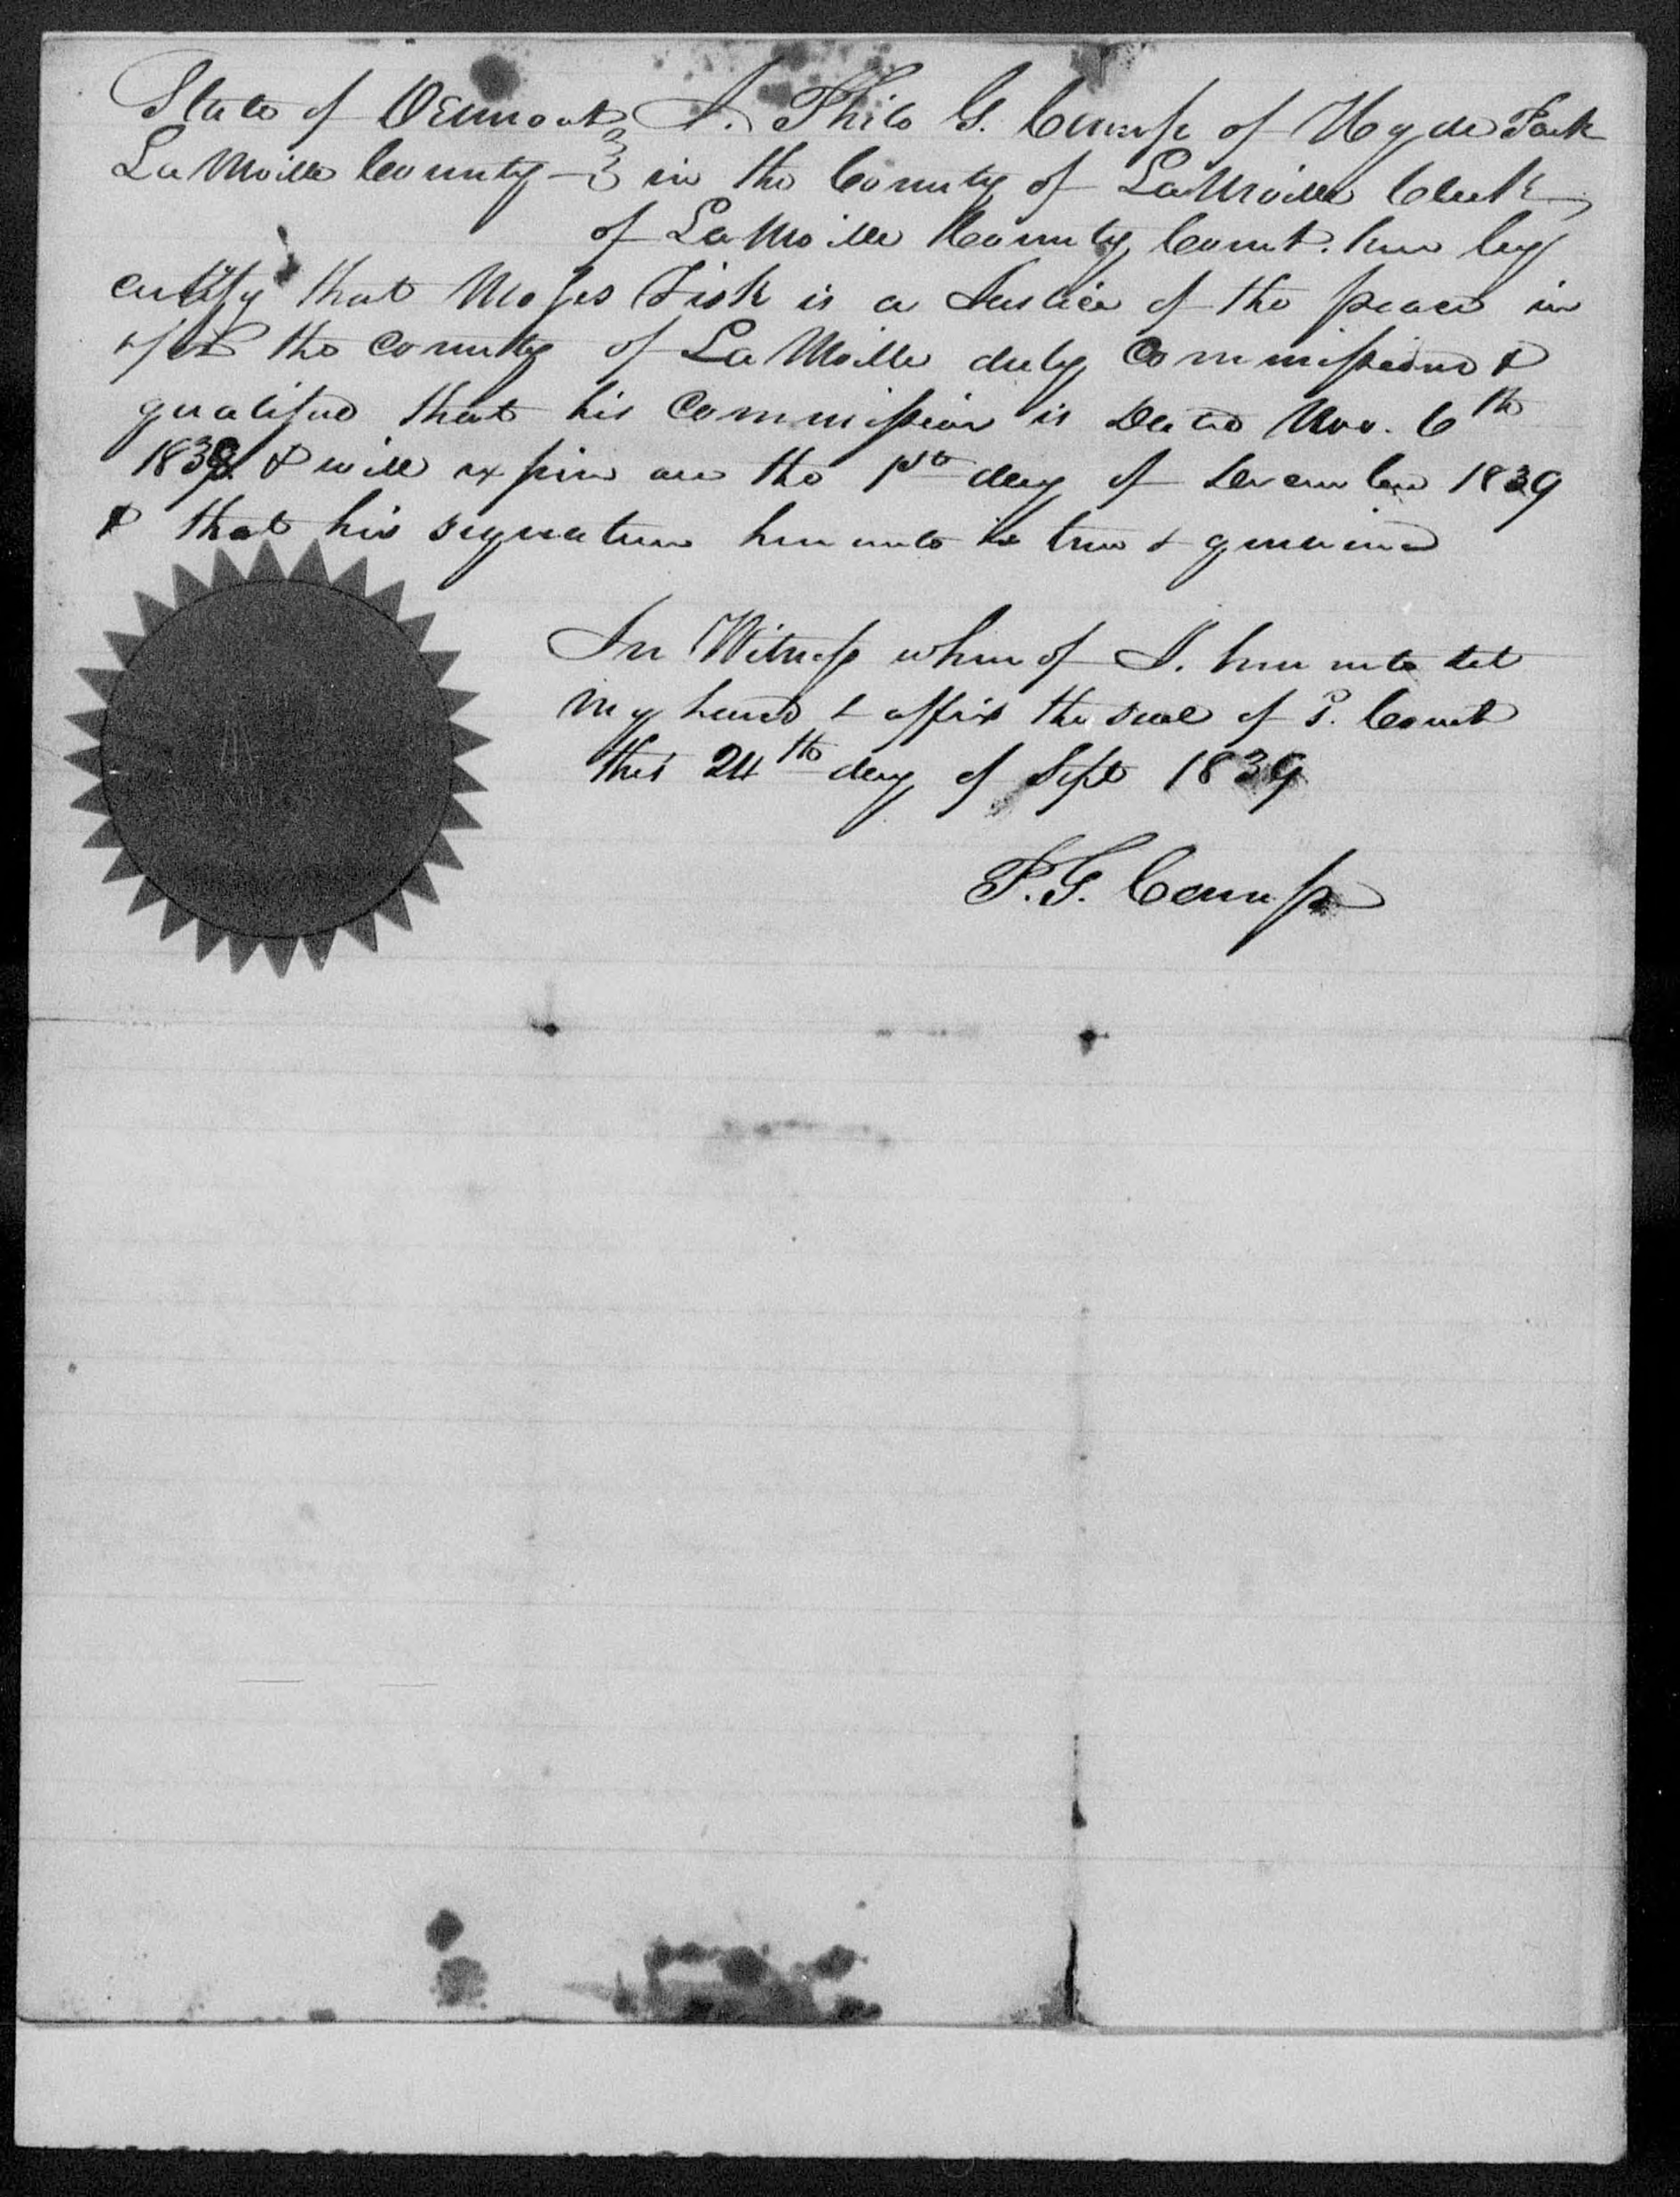State of Vermont
La Moille County - } I. Philo G. Camp of Hyde Park in the County of LaMoille County Court hereby certify that Moses Fisk is a Justice of the peace in + for the county of LaMoille duly commissioned qualified that his commission is Dated Nov. 6th 1839 + will expire on the 1st day of December 1839 + that his signature hereunto is true - genuine
[court seal affixed] In Witness whereof I hereunto set my hand & affix the seal of s'd Court this 24th day of Sept 1839
/s/P. G. Camp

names: Moses Fisk, P G Camp, Philo G Camp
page: 7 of 41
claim: widow's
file: W. 15627, Timothy Carpenter, Vt.